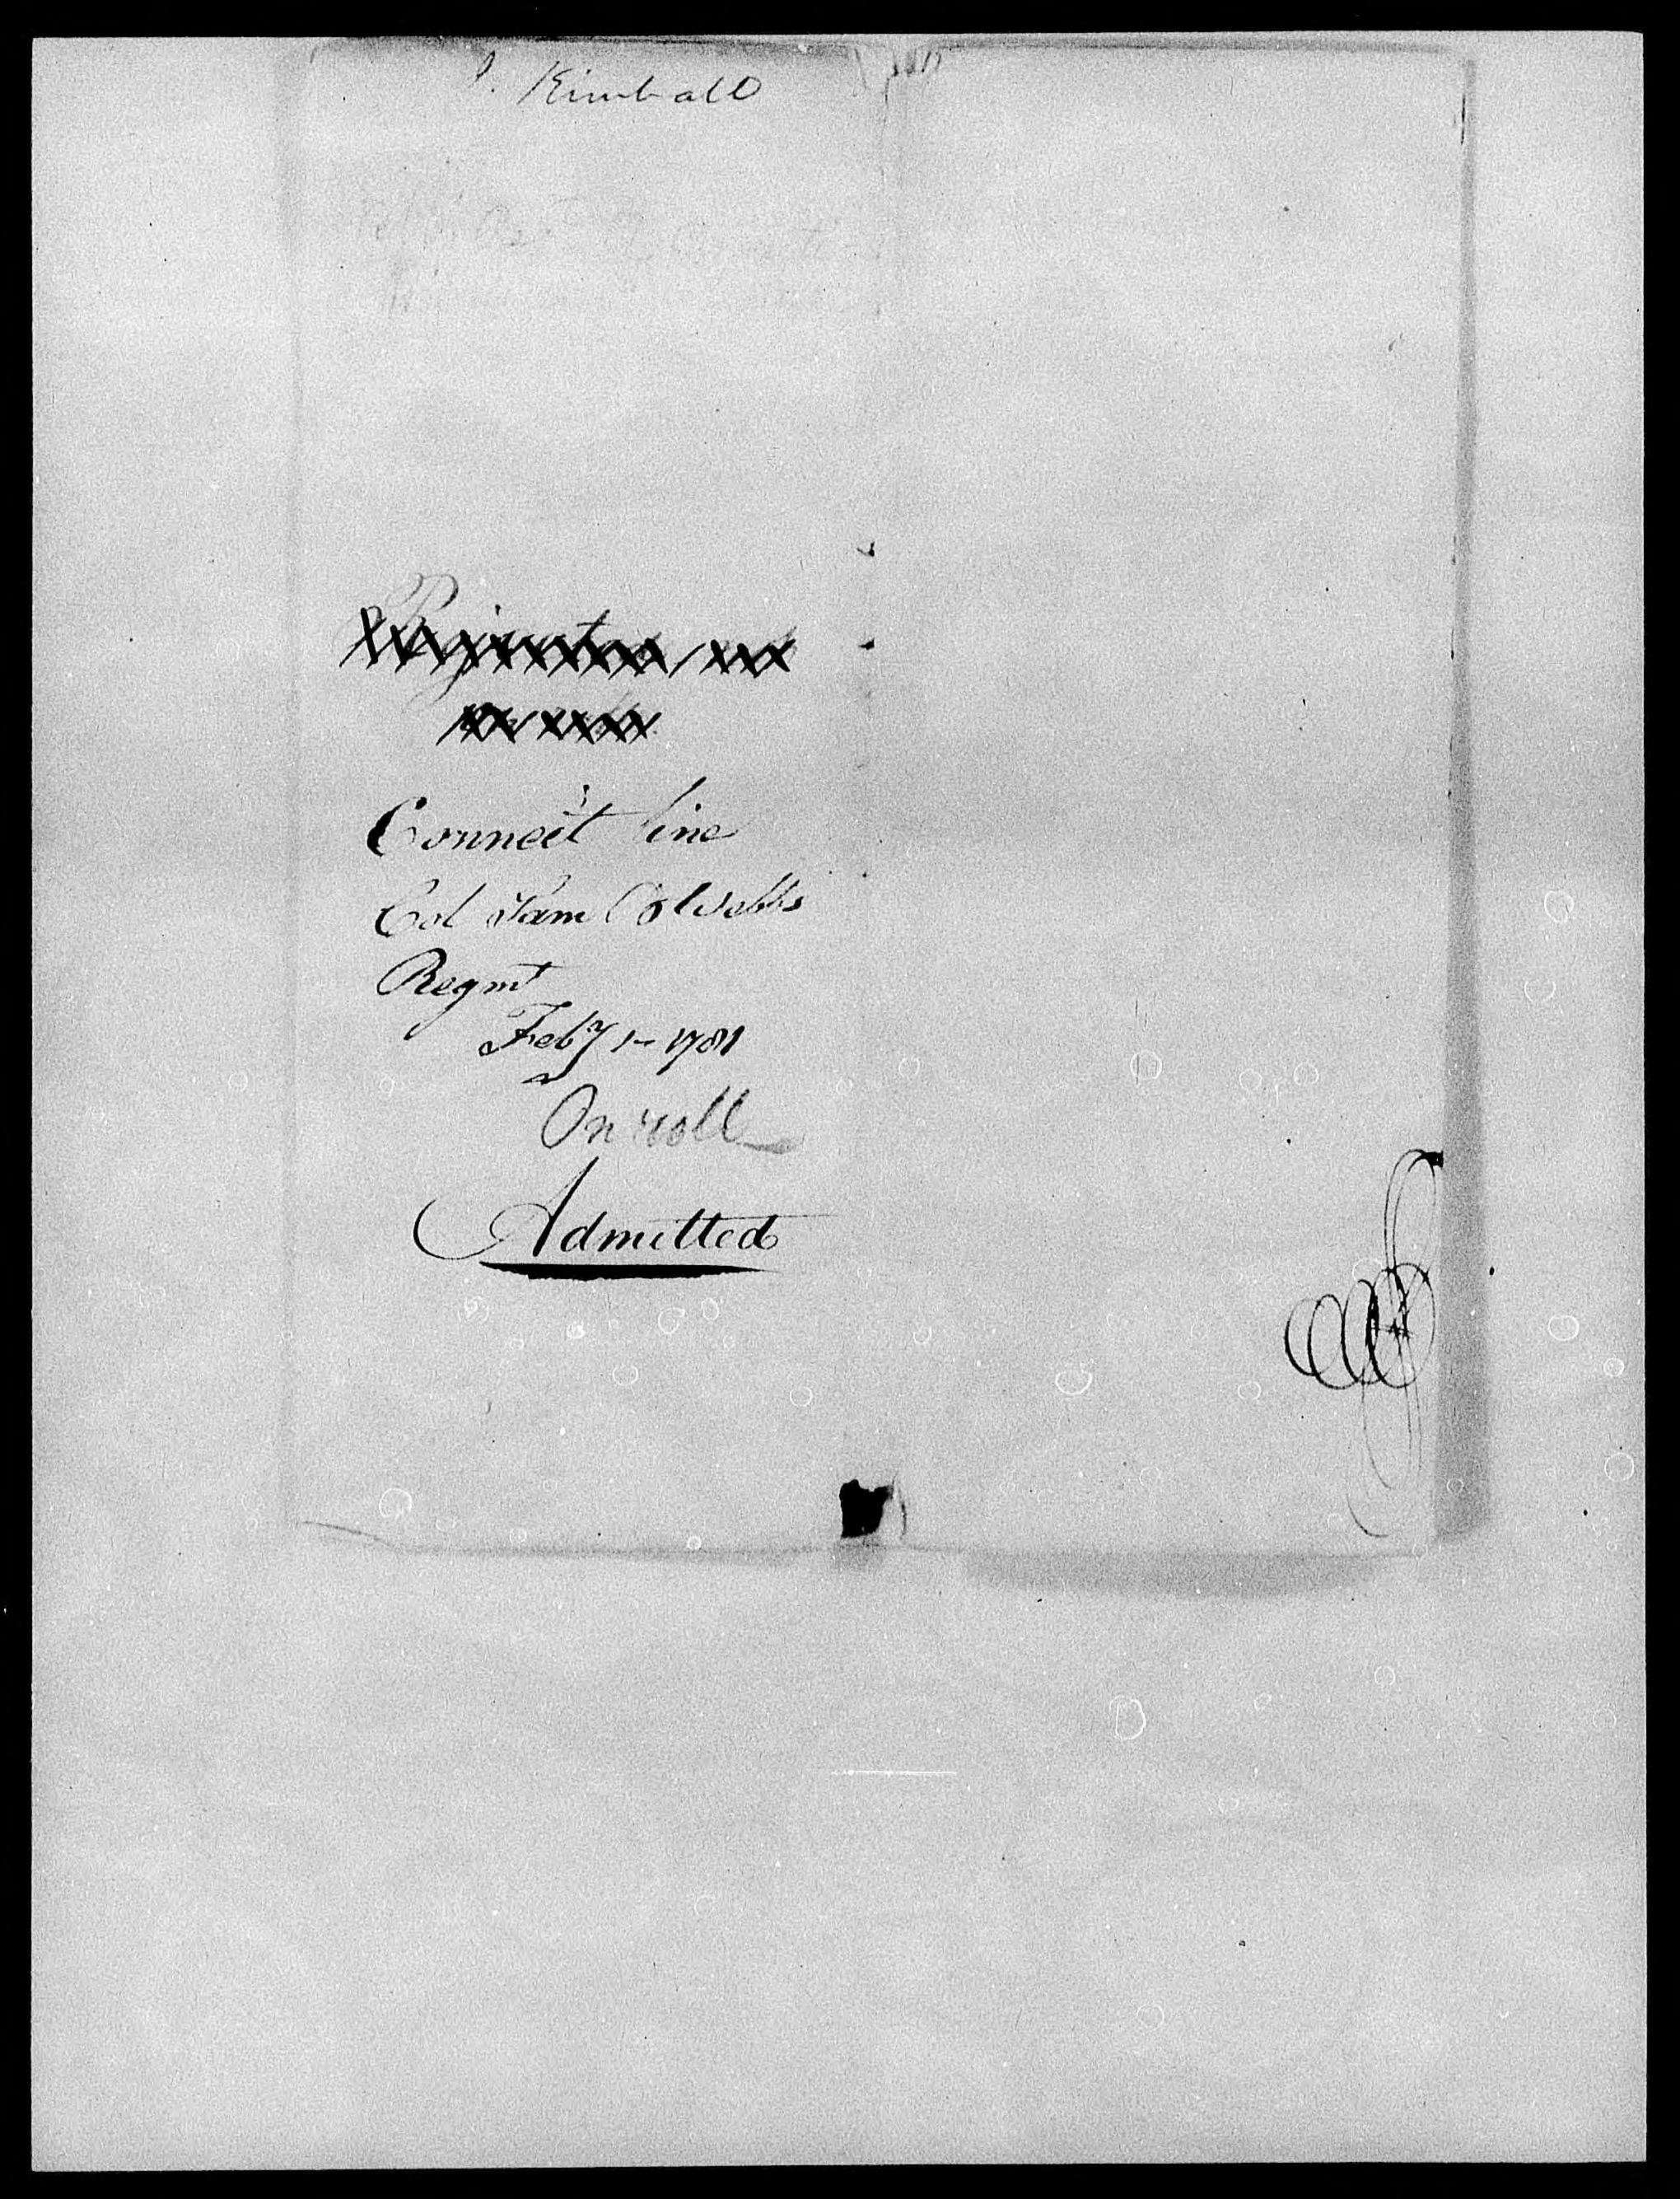J. Kimball
Connect line
Col Saml Webbs
Regmt
Feby 1 - 1781
On roll
Admitted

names: J Kimball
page: 17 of 36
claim: survivor's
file: S. 42,792, for John Kimball, Connecticut